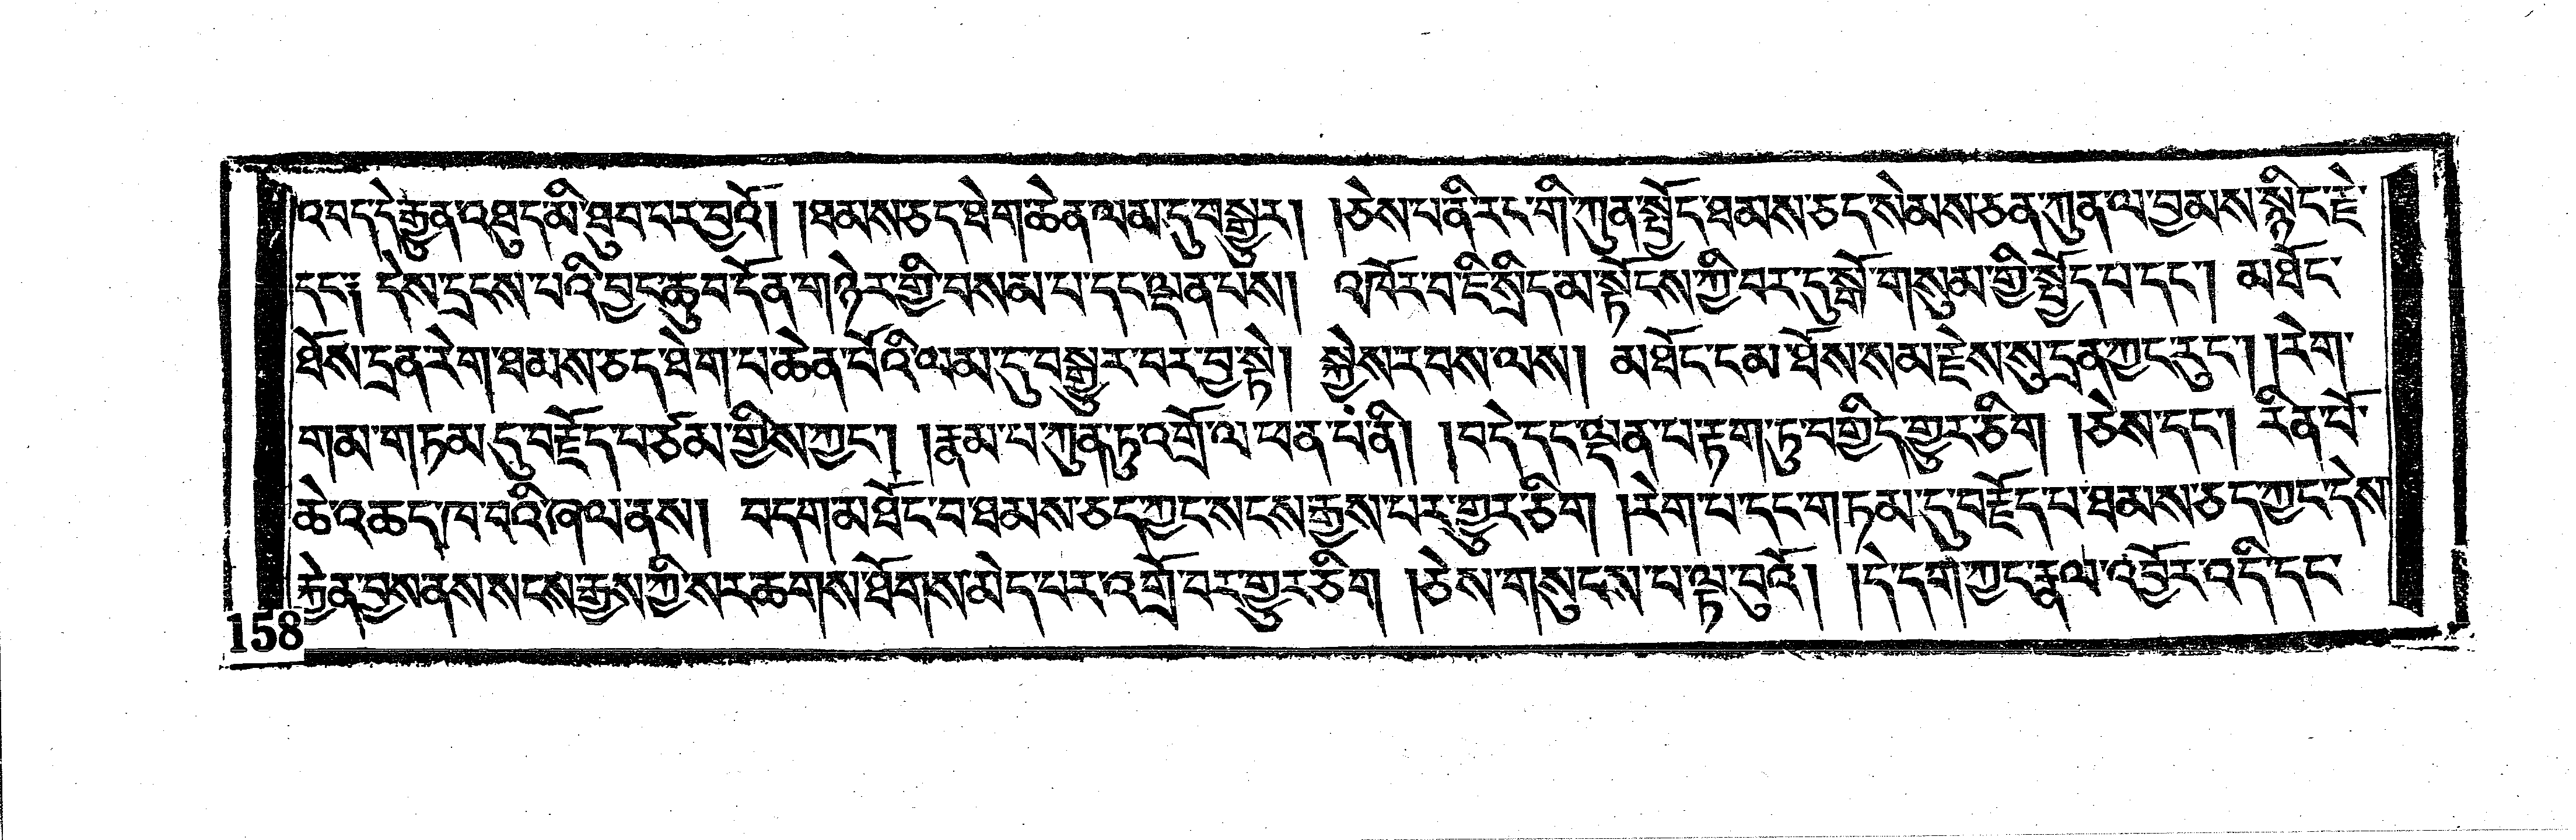འབད་དེ་རྒྱུན་འཐུད་མི་ཐུབ་པར་བྱའོ། །ཐམས་ཅད་ཐེག་ཆེན་ལམ་དུ་བསྒྱུར། །ཅེས་པ་ནི་རང་གི་ཀུན་སྤྱོད་ཐམས་ཅད་སེམས་ཅན་ཀུན་ལ་བྱམས་སྙིང་རྗེ་
དང༑ དེས་དྲངས་པའི་བྱང་ཆུབ་དོན་གཉེར་གྱི་བསམ་པ་དང་ལྡན་པས། འཁོར་བ་ཇི་སྲིད་མ་སྟོངས་ཀྱི་བར་དུ་སྒོ་གསུམ་གྱི་སྤྱོད་པ་དང་། མཐོང་
ཐོས་དྲན་རེག་ཐམས་ཅད་ཐེག་པ་ཆེན་པོའི་ལམ་དུ་བསྒྱུར་བར་བྱ་སྟེ། སྐྱེས་རབས་ལས། མཐོང་ངམ་ཐོས་སམ་རྗེས་སུ་དྲན་ཀྱང་རུང་། །རེག་
གམ་གཏམ་དུ་བརྗོད་པ་ཙམ་གྱིས་ཀྱང་། །རྣམ་པ་ཀུན་ཏུ་འགྲོ་ལ་ཕན་པ་ནི། །བདེ་དང་ལྡན་པ་རྟག་ཏུ་བགྱིད་གྱུར་ཅིག །ཅེས་དང་། རིན་པོ་
ཆེ་འཆད་ཁ་བའི་ཞལ་ནས། བདག་མཐོང་བ་ཐམས་ཅད་ཀྱང་སངས་རྒྱས་པར་གྱུར་ཅིག །རེག་པ་དང་གཏམ་དུ་བརྗོད་པ་ཐམས་ཅད་ཀྱང་དེས་
རྐྱེན་བྱས་ནས་སངས་རྒྱས་ཀྱི་སར་ཆགས་ཐོགས་མེད་པར་འགྲོ་བར་གྱུར་ཅིག །ཅེས་གསུངས་པ་ལྟ་བུའོ། །དེ་དག་ཀྱང་རྣལ་འབྱོར་འདི་དང་